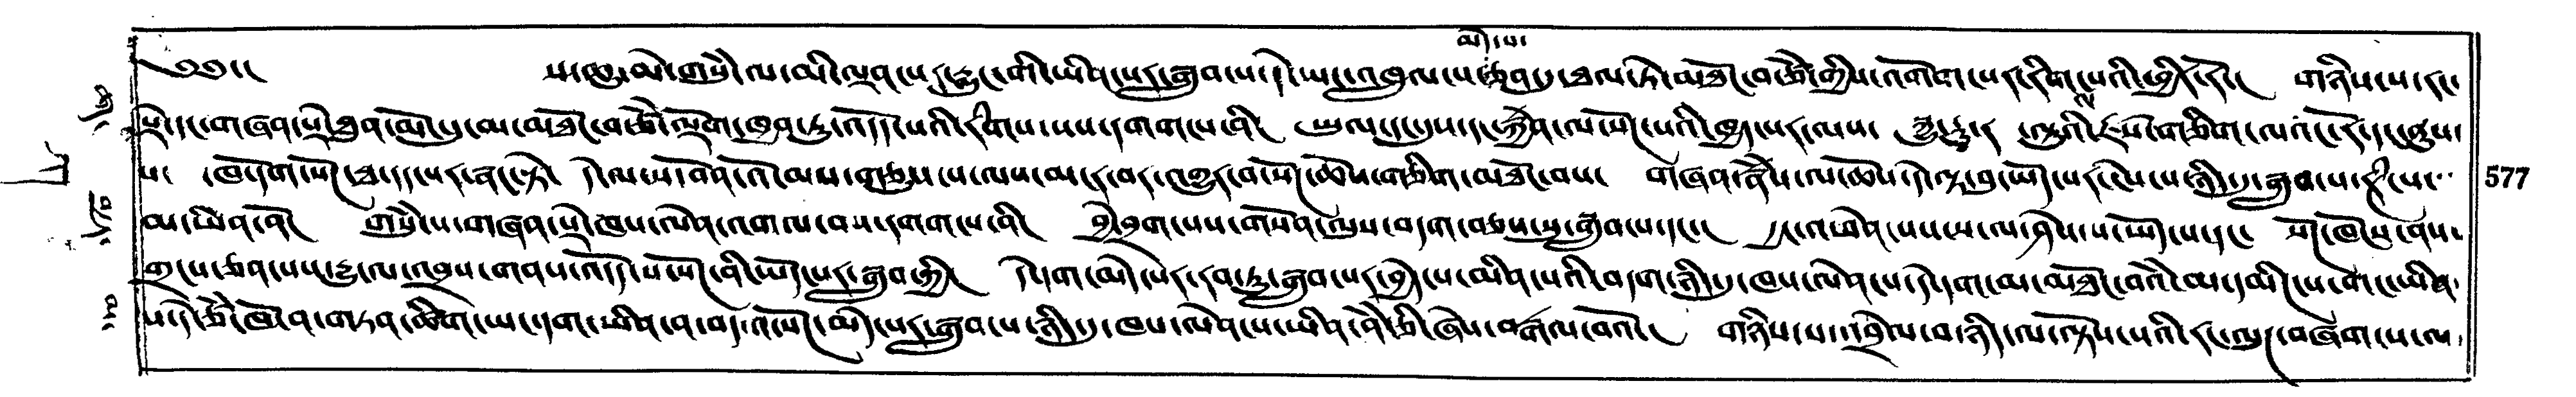ས་ཆུ་མེ་གསུམ་ལ་མི་ལྡན་པར་རླུང་གི་ཡིན་པར་སྒྲུབ་པ་དེ་ཡང་འཁྲུལ་པ་མེད་པ་ཅན་དུ་ཐལ་ཏེ་མཐོང་བ་ཙམ་གྱིས་འགོག་པར་རིགས་པའི་ཕྱིར་རོ།།གཉིས་པ་རང་
སྡེ་དང་གཞན་སྡེ་ཐུན་མོང་དུ་མ་མཐོང་བ་ཙམ་ལྡོག་ཁྱབ་ཏུ་འདོད་པའི་རིགས་པས་དགག་པ་ནི། ཡུལ་དང་དུས་དང་རྐྱེན་ལ་སོགས་པའི་ཁྱད་པར་ལས། སྐྱུ་རུ་ར་ལྟ་བུའི་རྫས་གཅིག་ལའང་རོ་དང་ནུས་
པ་ཁ་དོག་སོགས་ཐ་དད་པར་སྣང་སྟེ། དེ་ལ་ས་བོན་འོ་མས་གཅུས་པ་ལས་མངར་བར་འགྱུར་བ་སོགས་ཆོས་གཅིག་མཐོང་བས། གཞན་རྣམས་ལ་ཆོས་དེ་ལྟ་བུ་ཡོད་པར་ངེས་པ་ཉིད་དུ་སྒྲུབ་པ་རིགས་པ་
མ་ཡིན་ནོ།། གསུམ་པ་གཞན་སྡེ་ཁས་ལེན་འགལ་བས་དགག་པ་ནི། བྱེ་བྲག་པས་གསོན་ལུས་བདག་བཅས་སུ་སྒྲུབ་པ་དང་། རྒྱང་འཕེན་པས་ས་ལ་ཤེས་པ་ཡོད་པ་དང་། སོགས་ཁོངས་ནས་
གྲངས་ཅན་པས་རྒྱུ་ལ་འབྲས་གནས་འདོད་པ་སོགས་ནི་ཡོད་པར་སྒྲུབ་ཀྱི། དེ་དག་མེད་པར་རབ་ཏུ་སྒྲུབ་པར་བྱེད་པ་མིན་པའི་བདག་ཉིད་དུ་ཁས་ལེན་པ་དེ་དག་མ་མཐོང་བའམ་མ་དམིགས་པ་གང་ཡིན་
པ་དེ་ཙམ་ཁོ་ན་གཏན་ཚིགས་ཡང་དག་ཡིན་ན་བདག་སོགས་མེད་པར་སྒྲུབ་པ་ཉིད་དུ་ཁས་ལེན་པ་ཡིན་ནམ་ཅི་ཞེས་བརྒལ་བའོ།། གཉིས་པ་འབྲེལ་བ་ཉིད་ལ་ལྟོས་པའི་རང་ལུགས་བཞག་པ་ལ།